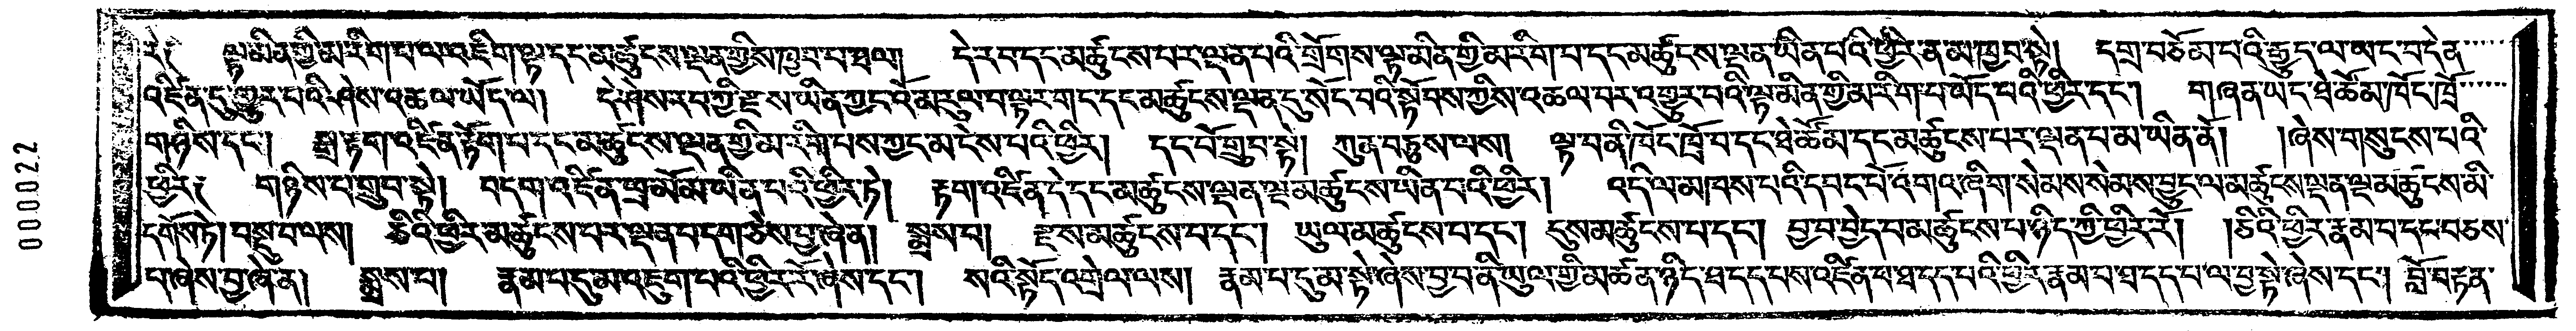རེ༑ ལྟ་མིན་གྱི་མ་རིག་པ་ལ་འཇིག་ལྟ་དང་མཚུངས་ལྡན་གྱིས་ཁྱབ་པ་ཐལ། དེ་རབ་དང་མཚུངས་པར་ལྡན་པའི་གྲོགས་ལྟ་མིན་གྱི་མ་རིག་པ་དང་མཚུངས་ལྡན་ཡིན་པའི་ཕྱིར་ན་མ་ཁྱབ་སྟེ། དགྲ་བཅོམ་པའི་རྒྱུད་ལ་ཡང་བདེན་
འཛིན་དུ་གྱུར་བའི་ཤེས་འཚལ་ཡོད་ལ། དེ་ཤེས་རབ་ཀྱི་རྫས་ཡིན་ཀྱང་འོ་མ་རུལ་བ་ལྟར་གང་དང་མཚུངས་ལྡན་དུ་སོང་བའི་སྟོབས་ཀྱིས་འཆལ་བར་འགྱུར་བའི་ལྟ་མིན་གྱི་མ་རིག་པ་ཡོད་པའི་ཕྱིར་དང་། གཞན་ཡང་ཐེ་ཚོམ་ཁོང་ཁྲོ་
གཉིས་དང་། སྒྲ་རྟག་འཛིན་རྟོག་པ་དང་མཚུངས་ལྡན་གྱི་མ་རིག་པས་ཀྱང་མ་ངེས་པའི་ཕྱིར། དང་པོ་གྲུབ་སྟེ། ཀུན་བཏུས་ལས། ལྟ་བ་ནི་ཁོང་ཁྲོ་བ་དང་ཐེ་ཚོམ་དང་མཚུངས་པར་ལྡན་པ་མ་ཡིན་ནོ། །ཞེས་གསུངས་པའི་
ཕྱིར༑ གཉིས་པ་གྲུབ་སྟེ། བདག་འཛིན་ཕྲ་མོ་མ་ཡིན་པའི་ཕྱིར་ཏེ། རྟག་འཛིན་དེ་དང་མཚུངས་ལྡན་ལྔ་མཚུངས་ཡིན་པའི་ཕྱིར། འདི་ལ་མཁས་པའི་དབང་པོ་འགའ་ཞིག་སེམས་སེམས་བྱུང་ལ་མཚུངས་ལྡན་ལྔ་མཚུངས་མི་
དགོས་ཏེ། བསྡུ་བ་ལས། ཅིའི་ཕྱིར་མཚུངས་པར་ལྡན་པ་དག་ཅེས་བྱ་ཞེ་ན། སྨྲས་པ། རྫས་མཚུངས་པ་དང་། ཡུལ་མཚུངས་པ་དང་། དུས་མཚུངས་པ་དང་། བྱ་བ་བྱེད་པ་མཚུངས་པ་ཉིད་ཀྱི་ཕྱིར་རོ། །ཅིའི་ཕྱིར་རྣམ་བ་དང་བཅས་
པ་ཞེས་བྱ་ཞེ་ན། སྨྲས་པ། རྣམ་པ་དུ་མ་འཇུག་པའི་ཕྱིར་རོ་ཞེས་དང་། སའི་སྟོད་འགྲེལ་ལས། རྣམ་པ་དུ་མ་སྟེ་ཞེས་བྱ་བ་ནི་ཡུལ་གྱི་མཚན་ཉིད་ཐ་དད་པས་འཛིན་པ་ཐ་དད་པའི་ཕྱིར་རྣམ་པ་ཐ་དད་པ་ལ་བྱ་སྟེ་ཞེས་དང་། བློ་བརྟན་